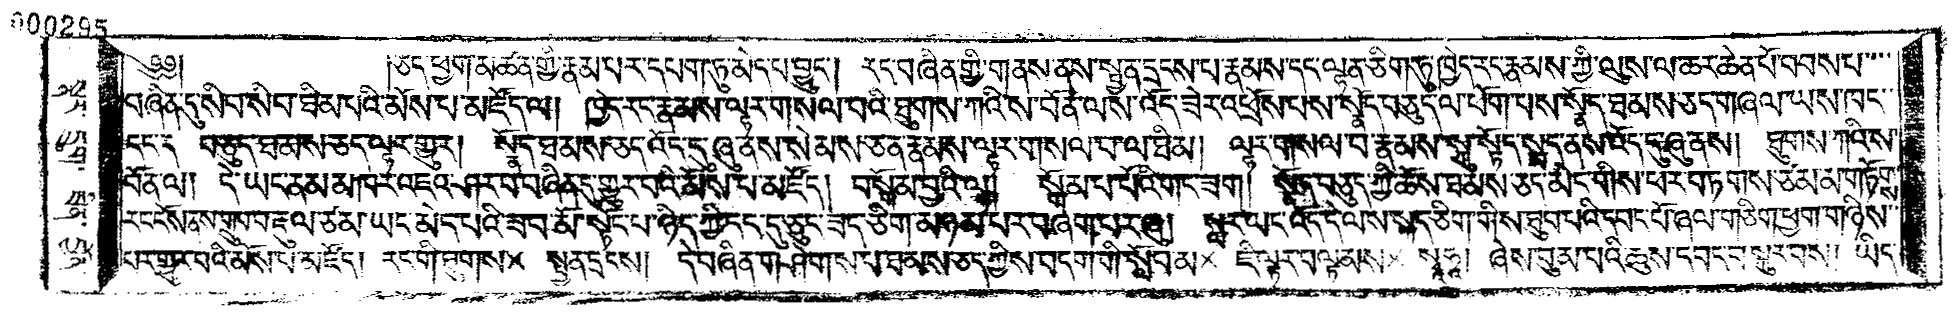༄༅། །ཅད་ཕྱག་མཚན་གྱི་རྣམ་པར་དཔག་ཏུ་མེད་པ་བྱུང་། རང་བཞིན་གྱི་གནས་ནས་སྤྱན་དྲངས་པ་རྣམས་དང་ལྷན་ཅིག་ཏུ་ཁྱེད་རང་རྣམས་ཀྱི་ལུས་ལ་ཆར་ཆེན་པོ་བབས་པ་
བཞིན་དུ་སིབ་སིབ་ཐིམ་པའི་མོས་པ་མཛོད་ལ། ཁྱེད་རང་རྣམས་ལྷར་གསལ་བའི་ཐུགས་ཀའི་ས་བོན་ལས་འོད་ཟེར་འཕྲོས་པས་སྣོད་བཅུད་ལ་ཕོག་པས་སྣོད་ཐམས་ཅད་གཞལ་ཡས་ཁང་
དང༑ བཅུད་ཐམས་ཅད་ལྷར་གྱུར། སྣོད་ཐམས་ཅད་འོད་དུ་ཞུ་ནས་སེམས་ཅན་རྣམས་ལྷར་གསལ་བ་ལ་ཐིམ། ལྷར་གསལ་བ་རྣམས་སྐུ་སྟོད་སྨད་ནས་འོད་དུ་ཞུ་ནས། ཐུགས་ཀའི་ས་
བོན་ལ། དེ་ཡང་ནམ་མཁར་འཇའ་ཤར་བ་བཞིན་དུ་གྱུར་བའི་མོས་པ་མཛོད། བསྒོམ་བྱའི་ལྷ། སྒོམ་པ་པོའི་གང་ཟག །སྣོད་བཅུད་ཀྱི་ཆོས་ཐམས་ཅད་མིང་གིས་ཕར་བཏགས་ཙམ་མ་གཏོགས་
རང་ངོས་ནས་གྲུབ་པ་རྡུལ་ཙམ་ཡང་མེད་པའི་ཟབ་མོ་སྟོང་པ་ཉིད་ཀྱི་ངང་དུ་ཅུང་ཟད་ཅིག་མཉམ་པར་བཞག་པར་ཞུ། སླར་ཡང་འོད་དེ་ལས་སྐད་ཅིག་གིས་ཐུབ་པའི་དབང་པོ་ཞལ་གཅིག་ཕྱག་གཉིས་
པར་གྱུར་བའི་མོས་པ་མཛོད། རང་གི་ཐུགས྾་སྤྱན་དྲངས། དེ་བཞིན་གཤེགས་པ་ཐམས་ཅད་ཀྱིས་བདག་གི་སློབ་མ྾་ཇི་ལྟར་བལྟམས྾་སྭཱ་ཧཱ། ཞེས་བུམ་པའི་ཆུས་དབང་བསྐུར་བས། ཡིད་